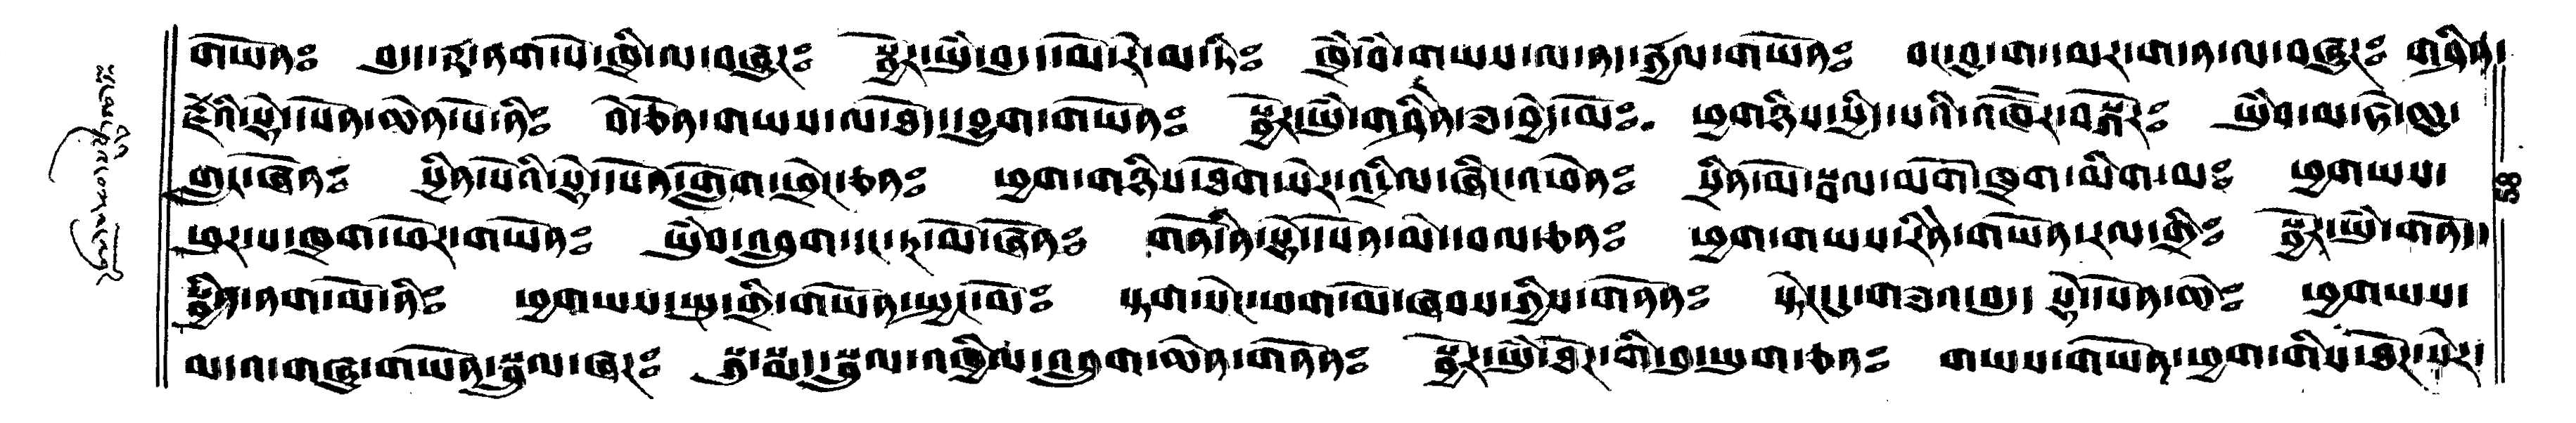གཡོནཿ བདུད་རྟ་ནག་པོའི་ཁྲི་ལ་བཞུགསཿ སྦྱོར་ཡུམ་བདུད་མོ་རེ་མ་ཏིཿ ཁྲམ་བམ་གཡས་ལ་ནད་རྐྱལ་གཡོནཿ བོང་བུ་ག་དམར་གདན་ལ་བཞུགསཿ གཤིན་
རྗེའི་སྡེ་དཔོན་ཆེན་པོ་ནིཿ བེ་ཅོན་གཡས་ལ་ཐོད་དབྱུག་གཡོནཿ སྦྱོར་ཡུམ་གཤིན་རྗེ་ཟ་བྱེད་མོཿ ཕྱག་གཉིས་སྲིད་པའི་འཁོར་ལོ་སྐོརཿ ཡབ་ཡུམ་མ་ཧེ་ཆུ་
གླང་ཞོནཿ སྲིན་པོའི་སྡེ་དཔོན་གློག་ཕྲེང་ཅནཿ ཕྱག་གཉིས་ཐོག་སེར་འདྲིལ་ཞིང་འཕེནཿ སྲིན་མོ་སྦལ་མགོ་ཁྲག་མིག་མཿ ཕྱག་གཡས་
ཕུར་པ་ཁྲག་ཕོར་གཡོནཿ ཡབ་ཡུམ་འབྲུག་དང་རྔ་མོ་ཞོནཿ གནོད་སྦྱིན་སྡེ་དཔོན་མེ་བལ་ཅནཿ ཕྱག་གཡས་རིན་ཆེན་གཡོན་རལ་གྲིཿ སྦྱོར་ཡུམ་གནོད་
སྦྱིན་ནག་མོ་ནིཿ ཕྱག་གཡས་སྤུ་གྲི་གཡོན་སྤྱང་མོཿ སྟག་སེང་ཕག་མོ་ཞབས་ཀྱིས་གནོནཿ སྟེང་དུ་གཟའ་བདུད་སྡེ་དཔོན་ཆེཿ ཕྱག་གཡས་
མདའ་གཞུ་གཡོན་སྦྲུལ་ཞགསཿ སྐུ་སྨད་སྦྲུལ་འཁྱིལ་འབྲུག་ཆེན་གནོནཿ སྦྱོར་ཡུམ་ཐོག་གི་བུ་ཡུག་ཅནཿགཡས་གཡོན་ཕྱག་གིས་ཐོག་སེར་